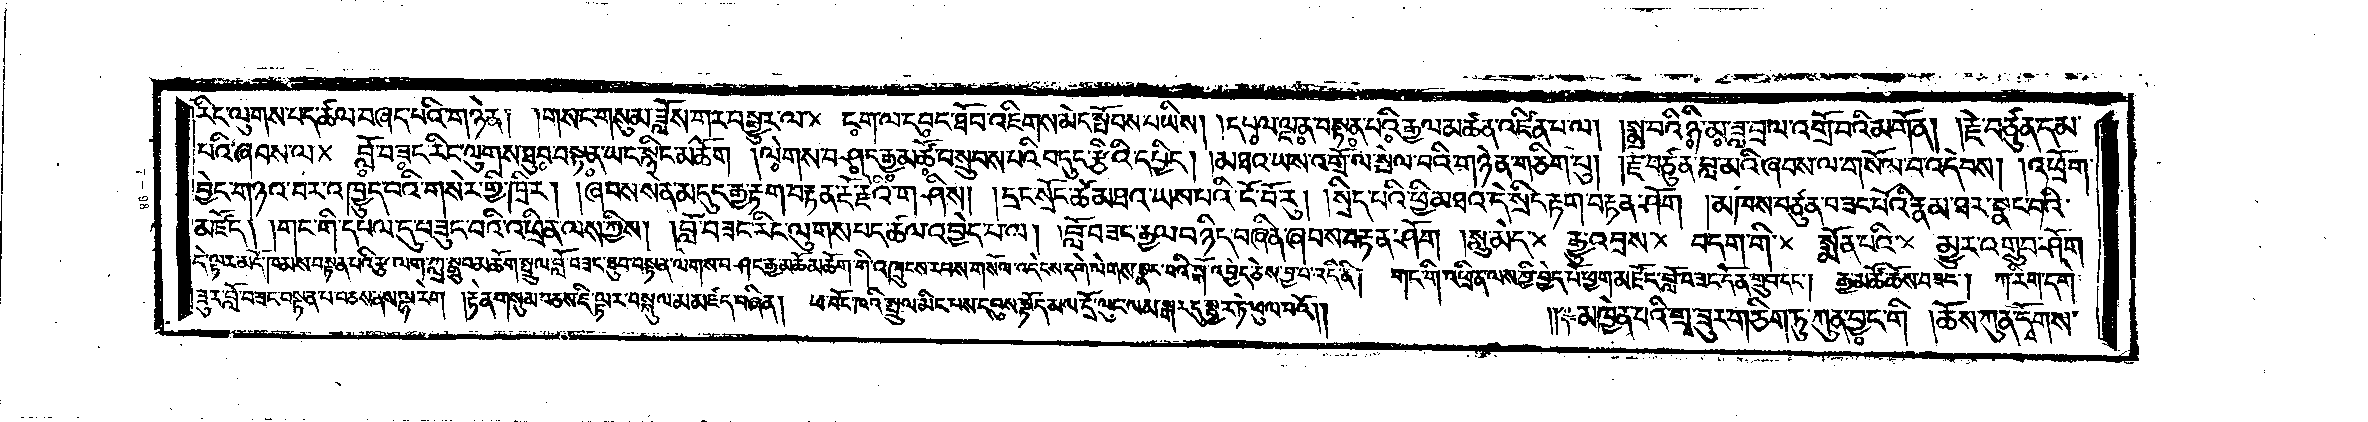རིང་ལུགས་པད་ཚལ་བཞད་པའི་གཉེན། །གསང་གསུམ་ཟློས་གར་བསྒྱུར་ལ་྾་ངག་ལ་དབང་ཐོབ་འཇིགས་མེད་སྤོབས་པ་ཡིས། །དཔལ་ལྡན་བསྟན་པའི་རྒྱལ་མཚན་འཛིན་པ་ལ། །སྨྲ་བའི་ཉི་མ་ཟླ་བྲལ་འགྲོ་བའི་མགོན། །རྗེ་བཙུན་དམ་
བའི་ཞབས་ལ་྾་བླ་བཟང་རིང་ལུགས་ཐུབ་བསྟན་ཡང་སྙིང་མཆོག །ཡེགས་བཤད་རྒྱ་མཚོ་བསྲུབས་པའི་བདུད་རྩིའི་དཔྱིད། །མཐའ་ཡས་འགྲོ་ལ་སྤེལ་བའི་གཉེན་གཅིག་པུ། །རྗེ་བཙུན་བླ་མའི་ཞབས་ལ་གསོལ་བ་འདེབས། །འཕྲོག་
བྱེད་གཉའ་བར་འཁྱུད་པའི་གསེར་གྱི་ཁྲིར། །ཞབས་སེན་མདུད་རྒྱ་རྟག་བརྟན་རྡོ་རྗེའི་གཤིས། །དྲང་སྲོང་ཚེ་མཐའ་ཡས་པའི་ངོ་བོ་རུ། །སྲིད་པའི་ཕྱི་མཐའ་དེ་སྲིད་རྟག་བརྟན་ཤོག །མཁས་བཙུན་བཟང་པོའི་རྣམ་ཐར་སྣང་བའི་
མཛོད། །གང་གི་དཔལ་དུ་བཟུང་བའི་འཕྲིན་ལས་ཀྱིས། །བློ་བཟང་རིང་ལུགས་པད་ཚལ་འབྱེད་པ་ལ། །བློ་བཟང་རྒྱལ་བ་ཉིད་བཞིན་ཞབས་བརྟན་ཤོག །སླུ་མེད་྾་རྒྱུ་འབྲས་྾་བདག་གི་྾་སྨོན་པའི་྾་མྱུར་འགྲུབ་ཤོག་
དེ་ལྟར་མདོ་ཁམས་བསྟན་པའི་རྩ་ལག་ཀླུ་སྒྲུབ་མཆོག་སྤྲུལ་བློ་བཟང་ཐུབ་བསྟན་ལེགས་བཤད་རྒྱ་མཚོ་མཆོག་གི་འཁྲུངས་རབས་གསོལ་འདེབས་དགེ་ལེགས་སྣང་བའི་སྒོ་འབྱེད་ཅེས་བྱ་བ་འདི་ནི། གང་གི་འཕྲིན་ལས་ཀྱི་བྱེད་པོ་ཕྱག་མཛོད་བློ་བཟང་དོན་གྲུབ་དང་། རྒྱ་མཚོ་ཆོས་བཟང་། །ག་རིག་དགེ་
ཟུར་བློ་བཟང་བསྟན་པ་བཅས་ནས་ལྷ་རེག །རྟེན་གསུམ་བཅས་ཇི་ལྟར་བསྐུལ་མ་མཛད་བཞིན། ཕ་བོང་ཁའི་སྤྲུལ་མིང་བས་དབུས་སྟོད་མལ་དྲོ་ལུང་ལམ་སྒར་དུ་སྦྱར་ཏེ་ཕུལ་བའོ།། །། ༈ མཁྱེན་པའི་གྲྭ་ཟུར་གཅིག་ཏུ་ཀུན་བྱང་གི །ཆོས་ཀུན་དྭོགས་